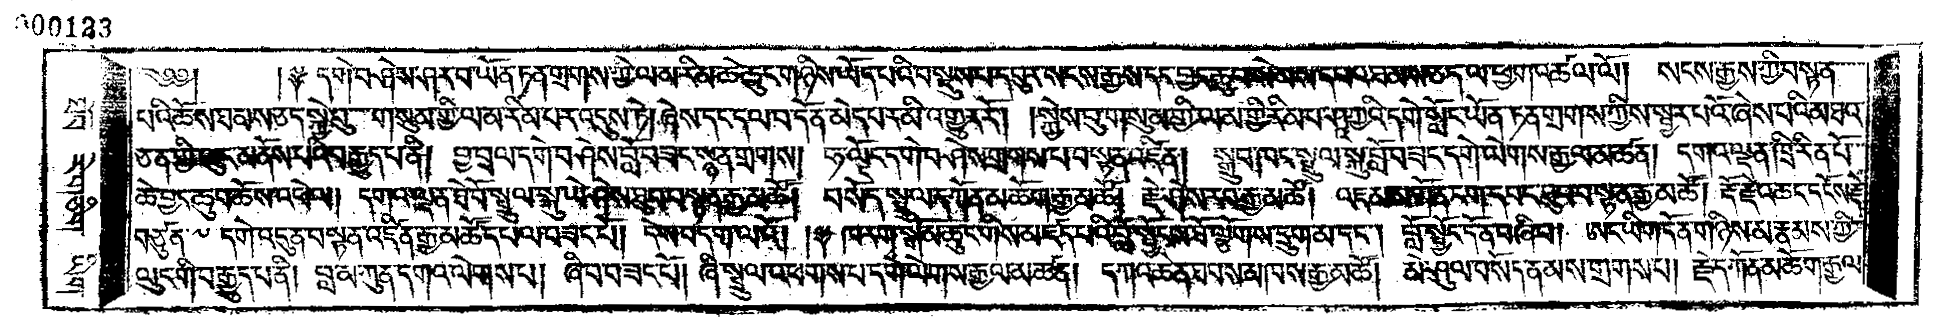༄༅། །༈ དགེ་བཤེས་ཤར་བ་ཡོན་ཏན་གྲགས་ཀྱི་ལམ་རིམ་ཆེ་ཆུང་གཉིས་ཡོད་པའི་བསྡུས་པ་དབུར་སངས་རྒྱས་དང་བྱང་ཆུབ་སེམས་དཔའ་ཐམས་ཅད་ལ་ཕྱག་འཚལ་ལོ། སངས་རྒྱས་ཀྱི་བསྟན་
པའི་ཆོས་ཐམས་ཅད་སྐྱེ་བུ་གསུམ་གྱི་ལམ་རིམ་པར་འདུས་ཏེ། ཞེས་དང་དལ་བ་དོན་མེད་པར་མི་འགྱུར་རོ། །སྐྱེས་བུ་གསུམ་གྱི་ལམ་གྱི་རིམ་པ་ཤཱཀྱའི་དགེ་སློང་ཡོན་ཏན་གྲགས་ཀྱིས་སྦྱར་པའོ་ཞེས་པའི་མཐའ་
ཅན་གྱི་ལུང་མནོས་པའི་བརྒྱུད་པ་ནི། བྱ་བྲལ་དགེ་བཤེས་བློ་བཟང་སྙན་གྲགས། ཧ་ལྡོང་དགེ་བཤེས་གྲགས་པ་བསྟན་འཛིན། སྒྲུབ་ཁང་སྤྲུལ་སྐུ་བློ་བཟང་དགེ་ལེགས་རྒྱལ་མཚན། དགའ་ལྡན་ཁྲི་རིན་པོ་
ཆེ་བྱང་ཆུབ་ཆོས་འཕེལ། དགའ་ལྡན་ཐེ་བོ་སྤྲུལ་སྐུ་ཡེ་ཤེས་ཐུབ་བསྟན་རྒྱ་མཚོ། བསོད་སྤྲུལ་དཀོན་མཆོག་རྒྱ་མཚོ། རྗེ་ཤེས་རབ་རྒྱ་མཚོ། འཇམ་མགོན་ངག་དབང་ཐུབ་བསྟན་རྒྱ་མཚོ། རྡོ་རྗེ་འཆང་དངོས་རྗེ་
བཙུན ༧་དགེ་འདུན་བསྟན་འཛིན་རྒྱ་མཚོ་དཔལ་བཟང་པོ། དེས་བདག་ལའོ། །༈ ཁ་རག་སྒོམ་ཆུང་གིས་མཛད་པའི་བློ་སྦྱོངས་ཐོ་ལྕོགས་དྲུག་མ་དང་། བློ་སྦྱོང་དོན་བཞི་པ། ཨང་ཡིག་དོན་གཉིས་མ་རྣམས་ཀྱི་
ལུང་གི་བརྒྱུད་པ་ནི། བླ་མ་ཀུན་དགའ་ལེགས་པ། ཞི་བ་བཟང་པོ། ཞི་སྤྲུལ་འཕགས་པ་དགེ་ལེགས་རྒྱལ་མཚན། དཀའ་ཆེན་ཐབས་མཁས་རྒྱ་མཚོ། མེ་ཤུལ་བསོད་ནམས་གྲགས་པ། རྗེ་དཀོན་མཆོག་རྒྱལ་